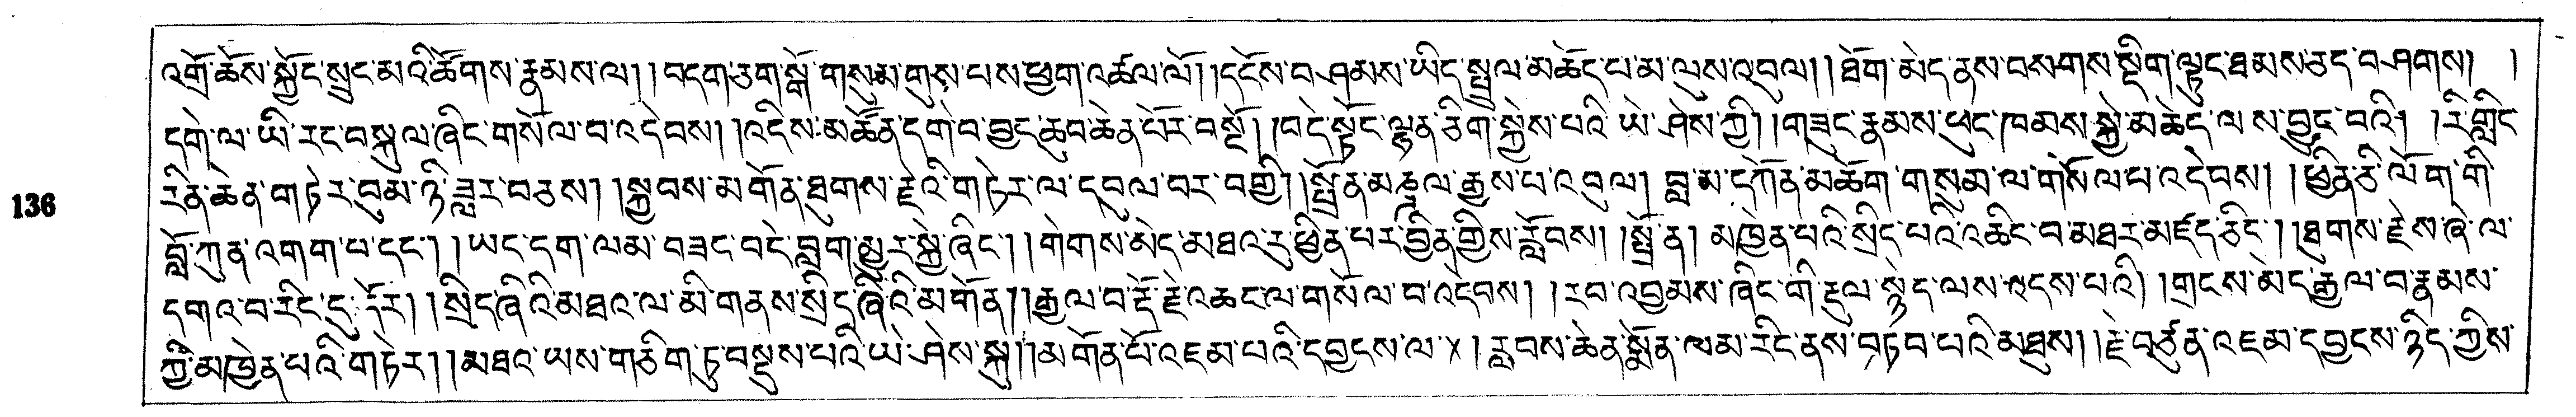འགྲོ་ཆོས་སྐྱོང་སྲུང་མའི་ཚོགས་རྣམས་ལ། །བདག་ཅག་སྒོ་གསུམ་གུས་པས་ཕྱག་འཚལ་ལོ། །དངོས་བཤམས་ཡིད་སྤྲུལ་མཆོད་པ་མ་ལུས་འབུལ། །ཐོག་མེད་ནས་བསགས་སྡིག་ལྟུང་ཐམས་ཅད་བཤགས། །
དགེ་ལ་ཡི་རང་བསྐུལ་ཞིང་གསོལ་བ་འདེབས། །འདིས་མཚོན་དགེ་བ་བྱང་ཆུབ་ཆེན་པོར་བསྔོ། །བདེ་སྟོང་ལྷན་ཅིག་སྐྱེས་པའི་ཡེ་ཤེས་ཀྱི། །གཟུང་རྣམས་ཕུང་ཁམས་སྐྱེ་མཆེད་ལས་བྱུང་བའི། །རི་གླིང་
རིན་ཆེན་གཏེར་བུམ་ཉི་ཟླར་བཅས། །སྐྱབས་མགོན་ཐུགས་རྗེའི་གཏེར་ལ་དབུལ་བར་བགྱི། །སྤྲོ་ན་མཎྜལ་རྒྱས་པ་འབུལ། བླ་མ་དཀོན་མཆོག་གསུམ་ལ་གསོལ་བ་འདེབས། །ཕྱིན་ཅི་ལོག་གི་
བློ་ཀུན་འགག་པ་དང་། །ཡང་དག་ལམ་བཟང་བདེ་བླག་མྱུར་སྐྱེ་ཞིང་། །གེགས་མེད་མཐའ་རུ་ཕྱིན་པར་བྱིན་གྱིས་རློབས། །སྤྲོ་ན། མཁྱེན་པའི་སྲིད་པའི་འཆིང་བ་མཐར་མཛད་ཅིང་། །ཐུགས་རྗེས་ཞེ་ལ་
དགའ་བ་རིང་དུ་དོར། །སྲིད་ཞིའི་མཐའ་ལ་མི་གནས་སྲིད་ཞིའི་མགོན། །རྒྱལ་བ་རྡོ་རྗེ་འཆང་ལ་གསོལ་བ་འདེབས། །རབ་འབྱམས་ཞིང་གི་རྡུལ་སྙེད་ལས་འདས་པའི། །གྲངས་མེད་རྒྱལ་བ་རྣམས་
ཀྱི་མཁྱེན་པའི་གཏེར། །མཐའ་ཡས་གཅིག་ཏུ་བསྡུས་པའི་ཡེ་ཤེས་སྐུ། །མགོན་པོ་འཇམ་པའི་དབྱངས་ལ་྾། རླབས་ཆེན་སྨོན་ལམ་རིང་ནས་བཏབ་པའི་མཐུས། །རྗེ་བཙུན་འཇམ་དབྱངས་ཉིད་ཀྱིས་